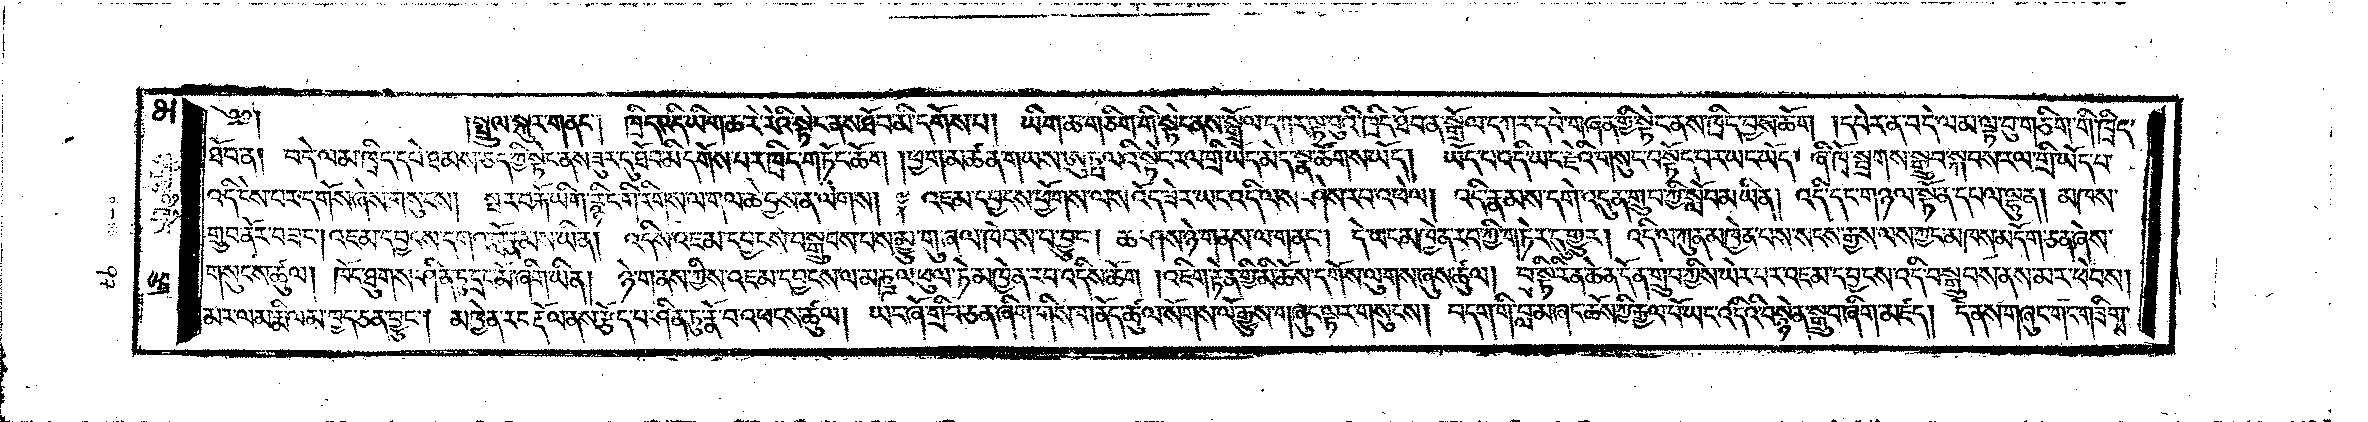༄༅།།སྤྲུལ་སྐུར་གནང་། ཁྲིད་འདི་ཡིག་ཆ་རེ་རེའི་སྟེང་ནས་ཐོབ་མི་དགོས་པ། ཡིག་ཆ་གཅིག་གི་སྟེང་ནས་སྒྲོལ་དཀར་ལྟ་བུའི་ཁྲིད་ཐོབ་ན་སྒྲོལ་དཀར་དབེ་གཞན་གྱི་སྟེང་ནས་ཁྲིད་བྱས་ཆོག །དཔེར་ན་བདེ་ལམ་ལྟ་བུ་གཅིག་གི་ཁྲིད་
ཐོབ་ན། བདེ་ལམ་ཁྲིད་དཔེ་ཐམས་ཅད་ཀྱི་སྟེང་ནས་ཟུར་དུ་ཐོབ་མི་དགོས་པར་ཁྲིད་གཏོང་ཆོག །ཕྱག་མཚན་གཡས་ཨུཏྤ་ལའི་སྟེང་རལ་གྲི་ཡོད་མེད་སྣ་ཚོགས་ཡོད། ཡོད་པ་འདི་ཡང་རྗེའི་གསུང་བསྟོད་པར་ཡང་ཡོད། ཞི་ཁྲོ་སྦྲགས་སྒྲུབ་སྐབས་རལ་གྲི་ཡོད་པ་
འདི་ངེས་པར་དགོས་ཞེས་གསུངས། སྤར་བརྐོ་ཡིག་རྙིང་གི་རིགས་ལ་གལ་ཆེ་བྱས་ན་ལེགས། ༈ འཇམ་དབྱངས་ཕྱོགས་ལས་འོད་ཟེར་ཡང་འདི་ལས་ཤེས་རབ་འཕེལ། འདི་རྣམས་དགེ་འདུན་གྲུབ་ཀྱི་སློབ་མ་ཡིན། འདི་དང་གཉལ་སྟོན་དཔལ་ལྷུན། མཁས་
གྲུབ་ནོར་བཟང་། འཇམ་དབྱངས་དགའ་བློ་རྣམས་ཡིན། འདིས་འཇམ་དབྱངས་བསྒྲུབས་པས་མྱུ་གུ་ཞལ་ཁེབས་པ་བྱུང་། ཆ་ཤས་ཉེ་གནས་ལ་གནང་། དེ་ཡང་མཁྱེན་རབ་ཀྱི་གཏེར་དུ་གྱུར། འདི་ལ་ཀུན་མཁྱེན་པས་སངས་རྒྱས་ལས་ཀྱང་མཁས་མདོག་ཅན་ཞེས་
གསུངས་ཚུལ། ཁོང་ཐུགས་ཤིན་ཏུ་དྲང་མོ་ཞིག་ཡིན། ཉེ་གནས་ཀྱིས་འཇམ་དབྱངས་ལ་མཎྚལ་ཕུལ་ཏེ་མཁྱེན་རབ་འདིས་ཆོག །འཇིག་རྟེན་གྱི་མི་ཆོས་དགོས་ལུགས་ཞུས་ཚུལ། བྲ་སྟི་རིན་ཆེན་དོན་གྲུབ་ཀྱིས་ཡེར་པར་འཇམ་དབྱངས་འདི་བསྒྲུབས་ནས་མར་ཕེབས།
མར་ལམ་རྨི་ལམ་ཁྱད་ཅན་བྱུང་། མཁྱེན་རང་རྡོལ་ནས་རྩོད་པ་ཤིན་ཏུ་རྣོ་བ་འཕངས་ཚུལ། ཡང་ཞོ་གྲིབ་ཅན་ཞིག་གིས་གནོད་ཚུལ་སོགས་ལོ་རྒྱུས་གཞུང་ལྟར་གསུངས། བདག་གི་བླ་མ་ཞང་ཆོས་ཀྱི་རྒྱལ་པོ་ཡང་འདིའི་བསྙེན་སྒྲུབ་ཞིག་མཛད། དེ་ནས་གཞུང་གང་གཟིགས་